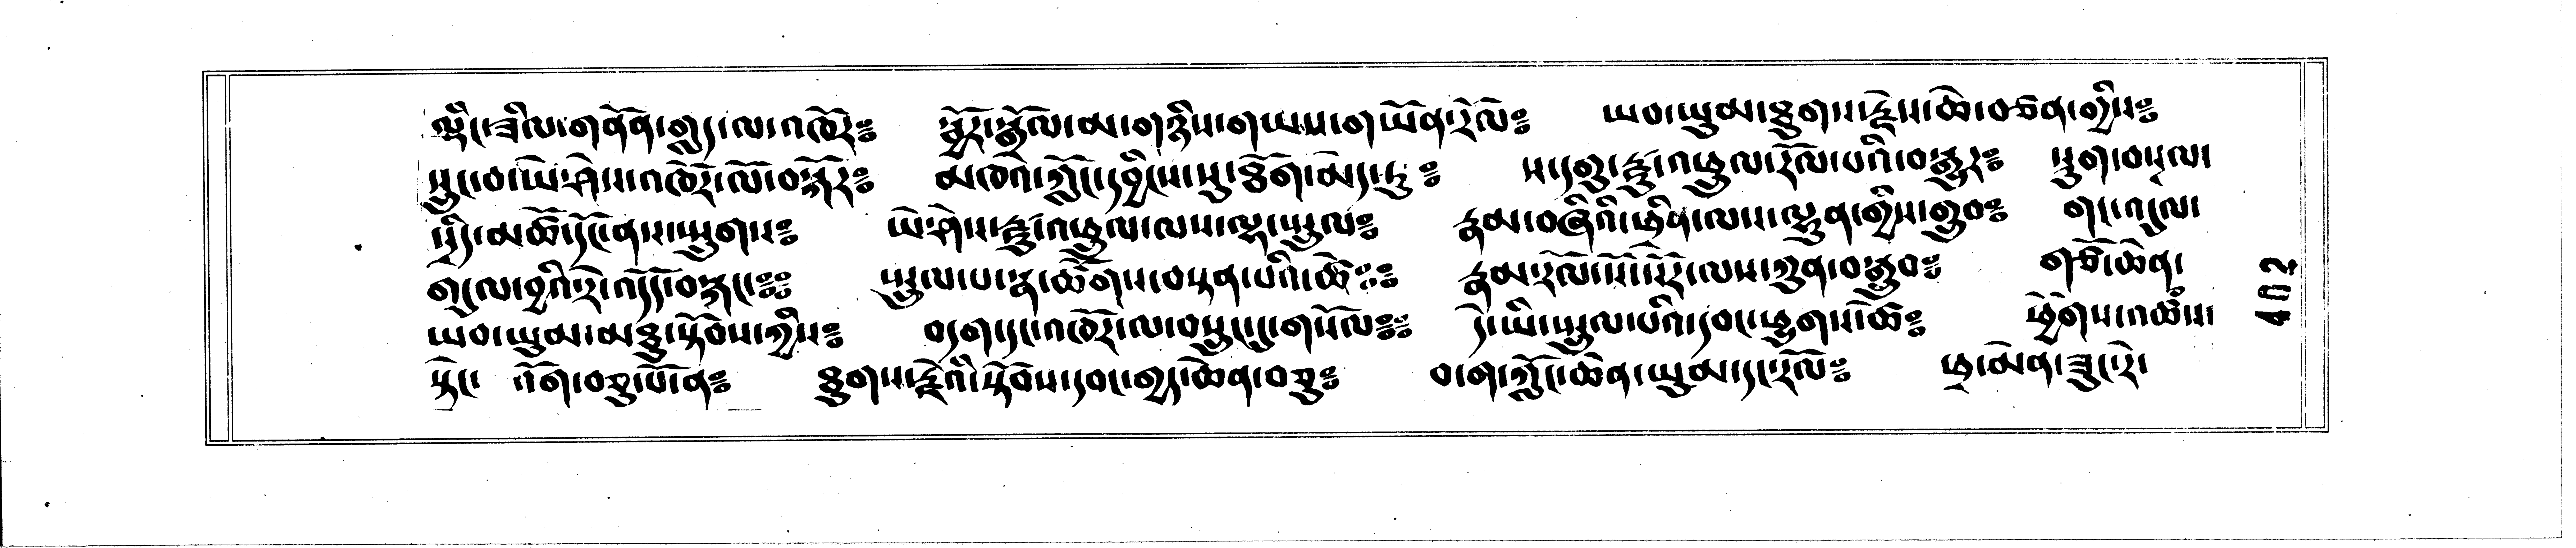ལྡིང་ཟིལ་གནོན་གླད་ལ་འཁོར༔ སྦྱོར་སྒྲོལ་མ་གཉིས་གཡས་གཡོན་རོལ༔ ཡབ་ཡུམ་ཐུགས་རྗེས་ཆེ་བཙན་གྱིས༔
 སྲུང་བ་ཡེ་ཤེས་འཁོར་ལོ་བསྐོར༔ མཁའ་ཀློང་དབྱིངས་སུ་ཐོག་མེ་ཏུ༔ ས་དགུ་རྫུ་འཕྲུལ་རོལ་པའི་བསྒྱུར༔ སྡུག་བསྔལ་
སྲིད་མཚོ་དོང་ནས་སྤྲུགས་༔ ཡེ་ཤེས་རྫུ་འཕྲུལ་ལས་ལྷ་སྤྲུལ༔ རྣམ་བཞིའི་ཕྲིན་ལས་ལྷུན་གྱིས་གྲུབ༔ གང་འདུལ་
གདུལ་བྱའི་རེ་འདོད་བསྐང་༔ སྤྲུལ་པ་སྣ་ཚོགས་བསྟན་པའི་ཚེ༔ རྣམ་རོལ་སོ་སོར་ལས་ཀུན་བསྒྲུབ༔ གཙོ་ཆེན་
ཡབ་ཡུམ་མཐུ་སྟོབས་ཀྱིས༔ བདག་དང་འཁོར་ལ་བསྲུང་དུ་གསོལ༔༔ དེ་ཡི་སྤྲུལ་པའི་དབང་ཕྱུག་ཚེ༔ ཕྱོགས་འཚམས་
སྟེང་འོག་བཅུ་པོ་ན༔ ཐུགས་རྗེའི་སྟོབས་དབང་གྱེད་ཆེན་བཅུ༔ བ་ག་ཀློང་ཆེན་ཡུམ་དང་རོལ༔ ཕྲ་མེན་ཟུང་རེ་